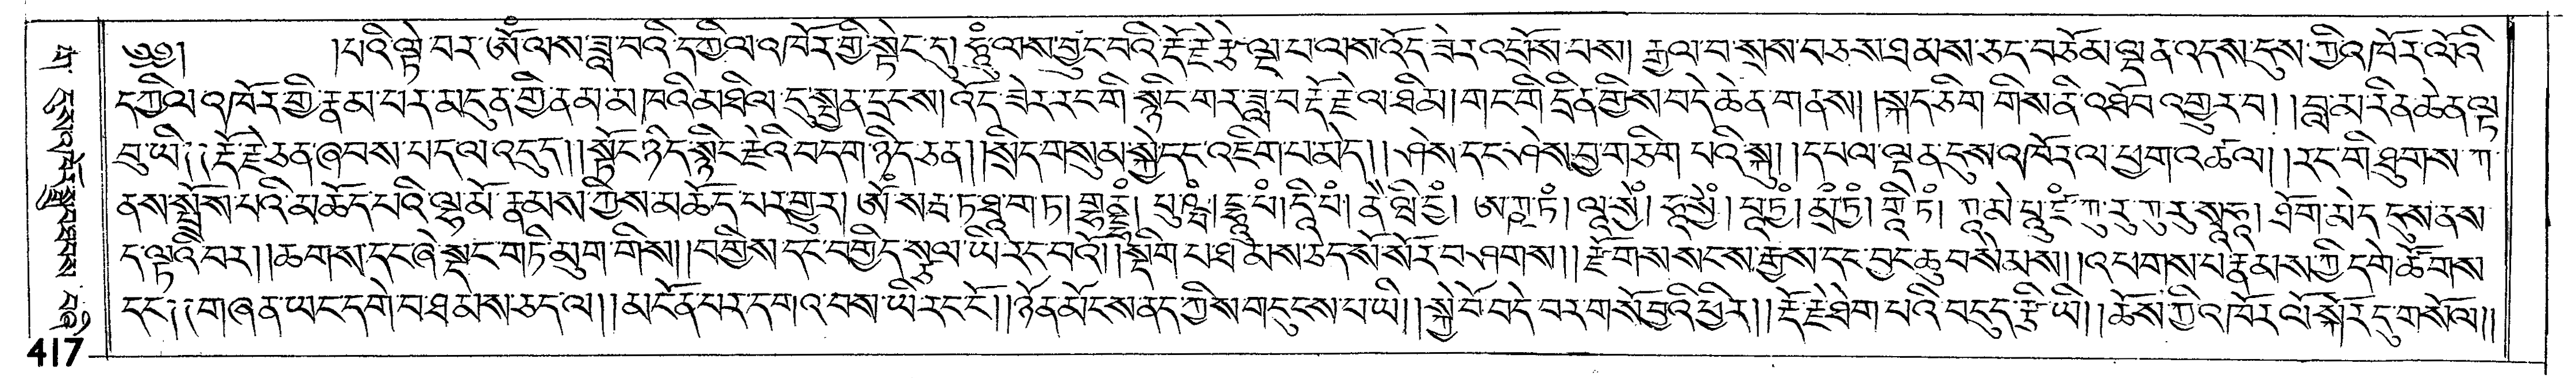༄༅། །པའི་ལྟེ་བར་ཨོཾ་ལས་ཟླ་བའི་དཀྱིལ་འཁོར་གྱི་སྟེང་དུ། ཧཱུཾ་ལས་བྱུང་བའི་རྡོ་རྗེ་རྩེ་ལྔ་པ་ལས་འོད་ཟེར་འཕྲོས་པས། རྒྱལ་བ་སྲས་བཅས་ཐམས་ཅད་བཅོམ་ལྡན་འདས་དུས་ཀྱི་འཁོར་ལོའི་
དཀྱིལ་འཁོར་གྱི་རྣམ་པར་མདུན་གྱི་ནམ་མཁའི་མཐིལ་དུ་སྤྱན་དྲངས། འོད་ཟེར་རང་གི་སྙིང་གར་ཟླ་བ་རྡོ་རྗེ་ལ་ཐིམ། གང་གི་དྲིན་གྱིས་བདེ་ཆེན་གནས། །སྐད་ཅིག་གིས་ནི་འཐོབ་འགྱུར་བ། །བླ་མ་རིན་ཆེན་ལྟ་
བུ་ཡི༑ ༑རྡོ་རྗེ་ཅན་ཞབས་པད་ལ་འདུད། །སྟོང་ཉིད་སྙིང་རྗེའི་བདག་ཉིད་ཅན། །སྲིད་གསུམ་སྐྱེ་དང་འཇིག་པ་མེད། །ཤེས་དང་ཤེས་བྱ་གཅིག་པའི་སྐུ། །དཔལ་ལྡན་དུས་འཁོར་ལ་ཕྱག་འཚལ། །རང་གི་ཐུགས་ཀ་
ནས་སྤྲོས་པའི་མཆོད་པའི་ལྷ་མོ་རྣམས་ཀྱིས་མཆོད་པར་གྱུར། ཨོཾ་སརྦ་ཏ་ཐཱ་ག་ཏ། གྷནྡྷཾ། པུ་ཥྤཾ། དྷཱུ་པཾ། དཱི་པཾ། ནཻ་ཝི་དྱཾ། ཨ་ཀྵ་ཏཾ། ལཱ་སྱེཾ། ཧཱ་སྱེཾ། པཱ་ཏྱཾ། མྲྀ་ཏྱཾ། གཱི་ཏྱཾ། ཀཱ་མེ་པཱུ་ཛཾ་ཀུ་རུ་ཀུ་རུ་སྭཱ་ཧཱ། ཐོག་མེད་དུས་ནས་
ད་ལྟའི་བར། །ཆགས་དང་ཞེ་སྡང་གཏི་མུག་གིས། །བགྱིས་དང་བགྱིད་སྩལ་ཡི་རང་བའོ། །སྡིག་པ་ཐམས་ཅད་སོ་སོར་བཤགས། །རྫོགས་སངས་རྒྱས་དང་བྱང་ཆུབ་སེམས། །འཕགས་པ་རྣམས་ཀྱི་དགེ་ཚོགས་
དང༑ ༑གཞན་ཡང་དགེ་བ་ཐམས་ཅད་ལ། །མངོན་པར་དགའ་བས་ཡི་རང་ངོ། །ཉོན་མོངས་ནད་ཀྱིས་གདུངས་པ་ཡི། །སྐྱེ་བོ་བདེ་བར་གསོ་བྱའི་ཕྱིར། །རྡོ་རྗེ་ཐེག་པའི་བདུད་རྩི་ཡི། །ཆོས་ཀྱི་འཁོར་ལོ་སྐོར་དུ་གསོལ།།